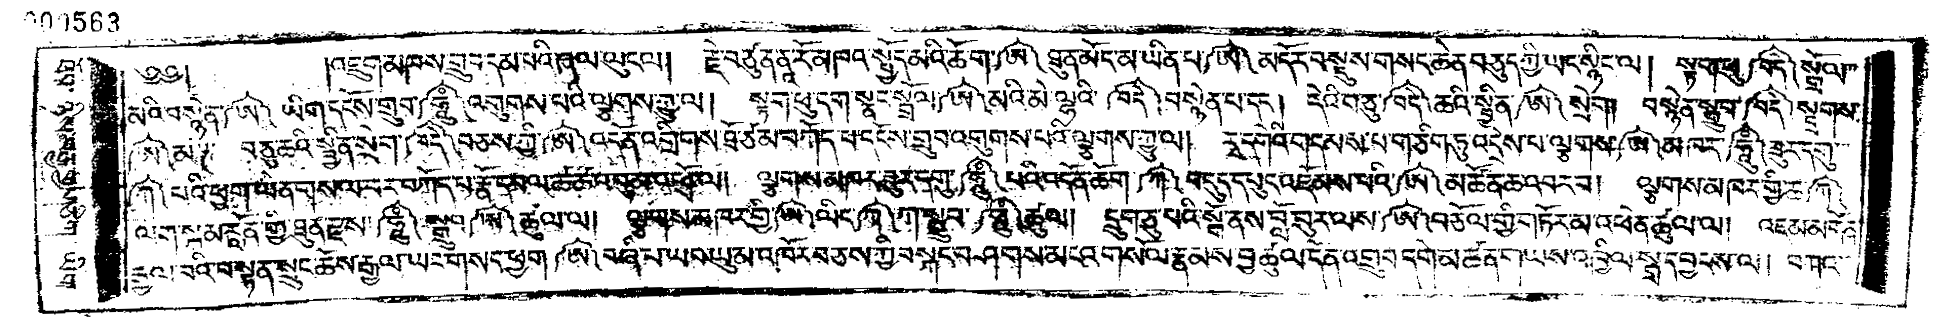༄༅། །འཇུག་མཁས་གྲུབ་དམ་པའི་ཞལ་ལུང་ལ། རྗེ་བཙུན་ནཱ་རོ་མཁའ་སྤྱོད་མའི་ཆོ་ག ༼ཨ༽ ཐུན་མོང་མ་ཡིན་པ ༼ཨ༽ མདོར་བསྡུས་གསང་ཆེན་བཅུད་ཀྱི་ཡང་སྙིང་ལ། སྟག་ཕུ ༼བདེ༽ སྒྲོལ་
མའི་བསྙེན ༼ཨ༽ ཡིག་དངོས་གྲུབ ༼ཧཱུཾ༽ འགུགས་པའི་ལྕགས་ཀྱུ་ལ། སྟག་ཕུ་དག་སྣང་སྒྲོལ ༼ཨ༽ མའི་མེ་ལྷའི ༼བདེ༽ བསྙེན་པ་དང་། དེའི་བཅུ ༼བདེ༽ ཆའི་སྦྱིན ༼ཨ༽ སྲེག། བསྙེན་སྒྲུབ ༼བདེ༽ སྦྲགས་
༼ཨ༽ མ༑ བཅུ་ཆའི་སྦྱིན་སྲེག ༼བདེ༽ བཅས་ཀྱི ༼ཨ༽ འདོན་འགྲིགས་ཐོ་ཙམ་བཀོད་པ་དངོས་གྲུབ་འགུགས་པའི་ལྕགས་ཀྱུ་ལ། རྭ་དགེའི་གདམས་པ་གཅིག་ཏུ་འདྲེས་པ་ལྕགས ༼ཨ༽ མཁར ༼ཧཱུཾ༽ ཟུར་དགུ་
༼ཀ༽ པའི་ཕྱག་ལེན་གསལ་བར་བཀོད་པ་རྣོ་དབལ་ཚ་ཚ་འབུམ་འཕྲོ་ལ། ལྕགས་མཁར་ཟུར་དགུ ༼ཧཱུཾ༽ པའི་འདོན་ཆོག ༼ཀ༽ བདུད་དཔུང་འཇོམས་པའི ༼ཨ༽ མཚོན་ཆ་འབར་བ། ལྕགས་མཁར་གྱི་ཆ ༼ཀ༽
ལག་སྐམ་རློན་གྱི་ཐུན་རྫས ༼ཧཱུཾ༽ སྒྲུབ ༼ཨ༽ ཚུལ་ལ། ལྕགས་མཁར་གྱི ༼ཨ༽ ལིང ༼ཀ༽ ཀ་སྒྲུབ ༼ཧཱུཾ༽ ཚུལ། དྲུག་ཅུ་པའི་སྒོ་ནས་བློ་བུར་ལས ༼ཨ༽ བཅོལ་གྱི་གཏོར་མ་འཕེན་ཚུལ་ལ། འཇམ་མགོན་
རྒྱལ་བའི་བསྟན་སྲུང་ཆོས་རྒྱལ་ཡང་གསང་ཕྱག ༼ཨ༽ བཞི་པ་ཡབ་ཡུམ་འཁོར་བཅས་ཀྱི་བསྐང་བཤགས་མངའ་གསོལ་རྣམས་བྱ་ཚུལ་དོན་འགྲུབ་དགེ་མཚན་གཡས་འཁྱིལ་སྒྲ་དབྱངས་ལ། བཀའ་